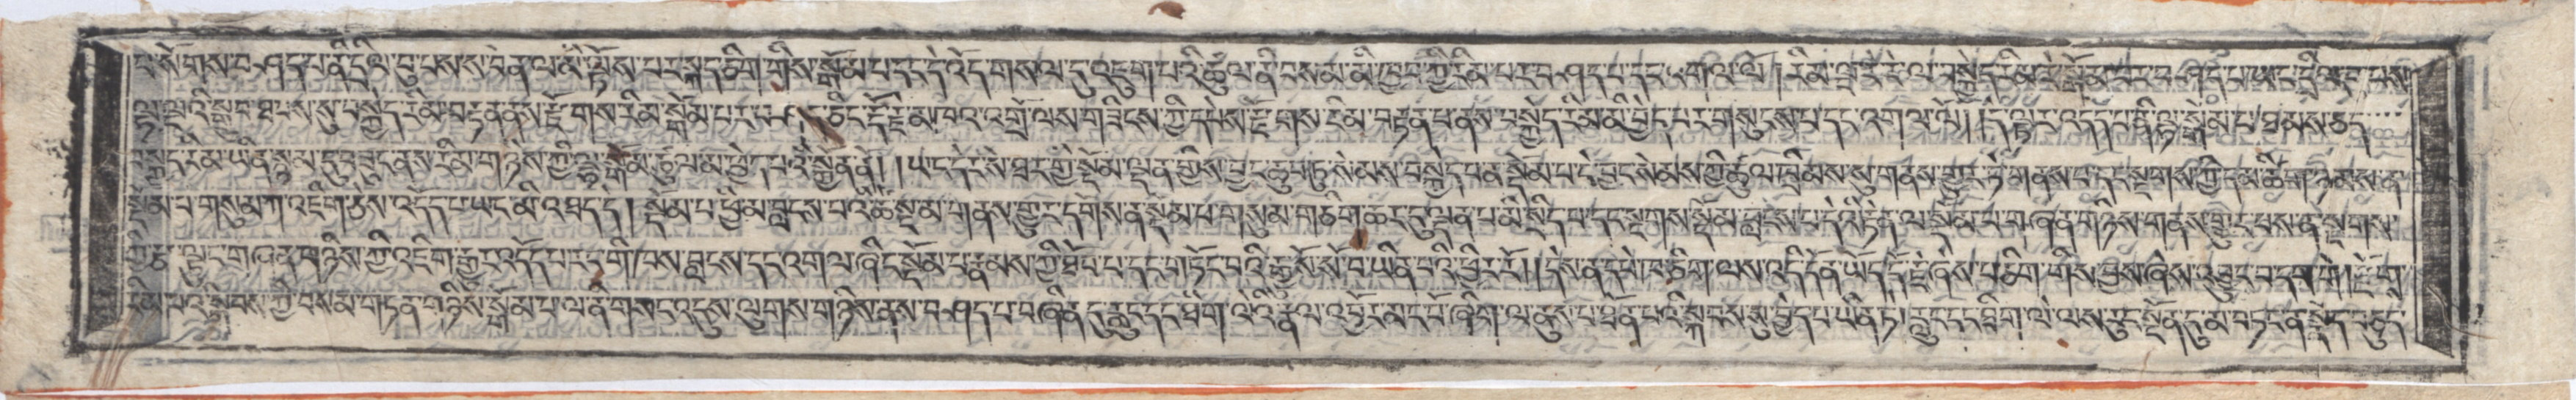པ་སོགས་བཤད་པ་ནི་དྲིལ་བུ་པས་ས་བོན་ལ་མི་ལྟོས་པར་སྐད་ཅིག་གིས་སྒོམ་པ་དང་དེ་འོད་གསལ་དུ་འཇུག་པའི་ཚུལ་ནི་བསམ་མི་ཁྱབ་ཀྱི་རིམ་པར་བཤད་པ་དང་འགལ་ལོ། རིམ་ལྔ་རེ་རེ་ལ་བསྐྱེད་རིམ་རེ་སྒོམ་པར་བཤད་པ་ཡང་དྲིལ་བུ་པས་
ལྷ་ལྔའི་སྒྲུབ་ཐབས་སུ་བསྐྱེད་རིམ་བརྟན་ནས་རྫོགས་རིམ་སྒོམ་པར་བཤད་ཅིང་རྡོ་རྗེ་མཁའ་འགྲོ་ལས་གཟིངས་ཀྱི་དཔེས་རྫོགས་རིམ་བརྟན་པ་ནས་བསྐྱེད་རིམ་མི་བྱེད་པར་གསུངས་པ་དང་འགལ་ལོ། །དེ་ལྟར་འདོད་པ་ནི་ལྷ་སྒོམ་པ་ཐམས་ཅད་
བསྐྱེད་རིམ་ཡིན་སྙམ་དུ་བཟུང་ནས་རིམ་གཉིས་ཀྱི་ལྷ་སྒོམ་ཚུལ་མ་ཕྱེད་པའི་སྐྱོན་ནོ། །ཡང་དེར་སོ་ཐར་གྱི་སྡོམ་ལྡན་གྱིས་བྱང་ཆུབ་ཏུ་སེམས་བསྐྱེད་པ་ན་སྡོམ་པ་དེ་བྱང་སེམས་ཀྱི་ཚུལ་ཁྲིམས་སུ་གནས་གྱུར་ཏེ་གནས་པ་དང་སྔགས་ཀྱི་དམ་ཚིག་ཉམས་ན་
སྡོམ་པ་གསུམ་ཀ་འཇིག་ཅེས་འདོད་པ་ཡང་མི་འཐད་དེ། སྡོམ་པ་ཕྱི་མ་བླངས་པའི་ཚེ་སྔ་མ་གནས་གྱུར་དགོས་ན་སྡོམ་པ་གསུམ་གཅིག་ཆར་དུ་ལྡན་པ་མི་སྲིད་པ་དང་སྔགས་སྡོམ་བླངས་པ་དེའི་རྟེན་ལ་སྡོམ་པ་གཞན་གཉིས་གནས་གྱུར་པས་ན་སྔགས་
ཀྱི་རྩ་ལྟུང་གཞན་གཉིས་ཀྱི་འཇིག་རྒྱུར་འདོད་པ་རང་གི་ཁས་བླངས་དང་འགལ་ཞིང་སྡོམ་པ་རྣམས་ཀྱི་ཐོབ་པ་དང་གཏོང་བའི་རྒྱུ་སོ་སོ་བ་ཡིན་པའི་ཕྱིར་རོ། །དེས་ན་དཔེ་ཁ་ཅིག་ལས་འདི་དོན་ཡོད་དོ་རྗེ་ཞེས་པ་ཅིག་གིས་བྱས་ཞེས་འབྱུང་བ་དག་གོ །རྫོགས་
རིམ་པའི་སྐབས་ཀྱི་བསམ་གཏན་གཉིས་སྒོམ་པ་ལ་ནི་གསང་འདུས་ལུགས་གཉིས་ནས་བཤད་པ་བཞིན་དུ་རླུང་དང་ཐིག་ལེའི་རྣལ་འབྱོར་མང་པོ་ཞིག་ལ་ནུས་པ་ཐོན་པའི་སྐབས་སུ་བྱེད་པ་ཡིན་ཏེ། རླུང་དང་ཐིག་ལེ་ལས་རུང་སྔོན་དུ་མ་བཏང་ན་སྣོད་བཅུད་